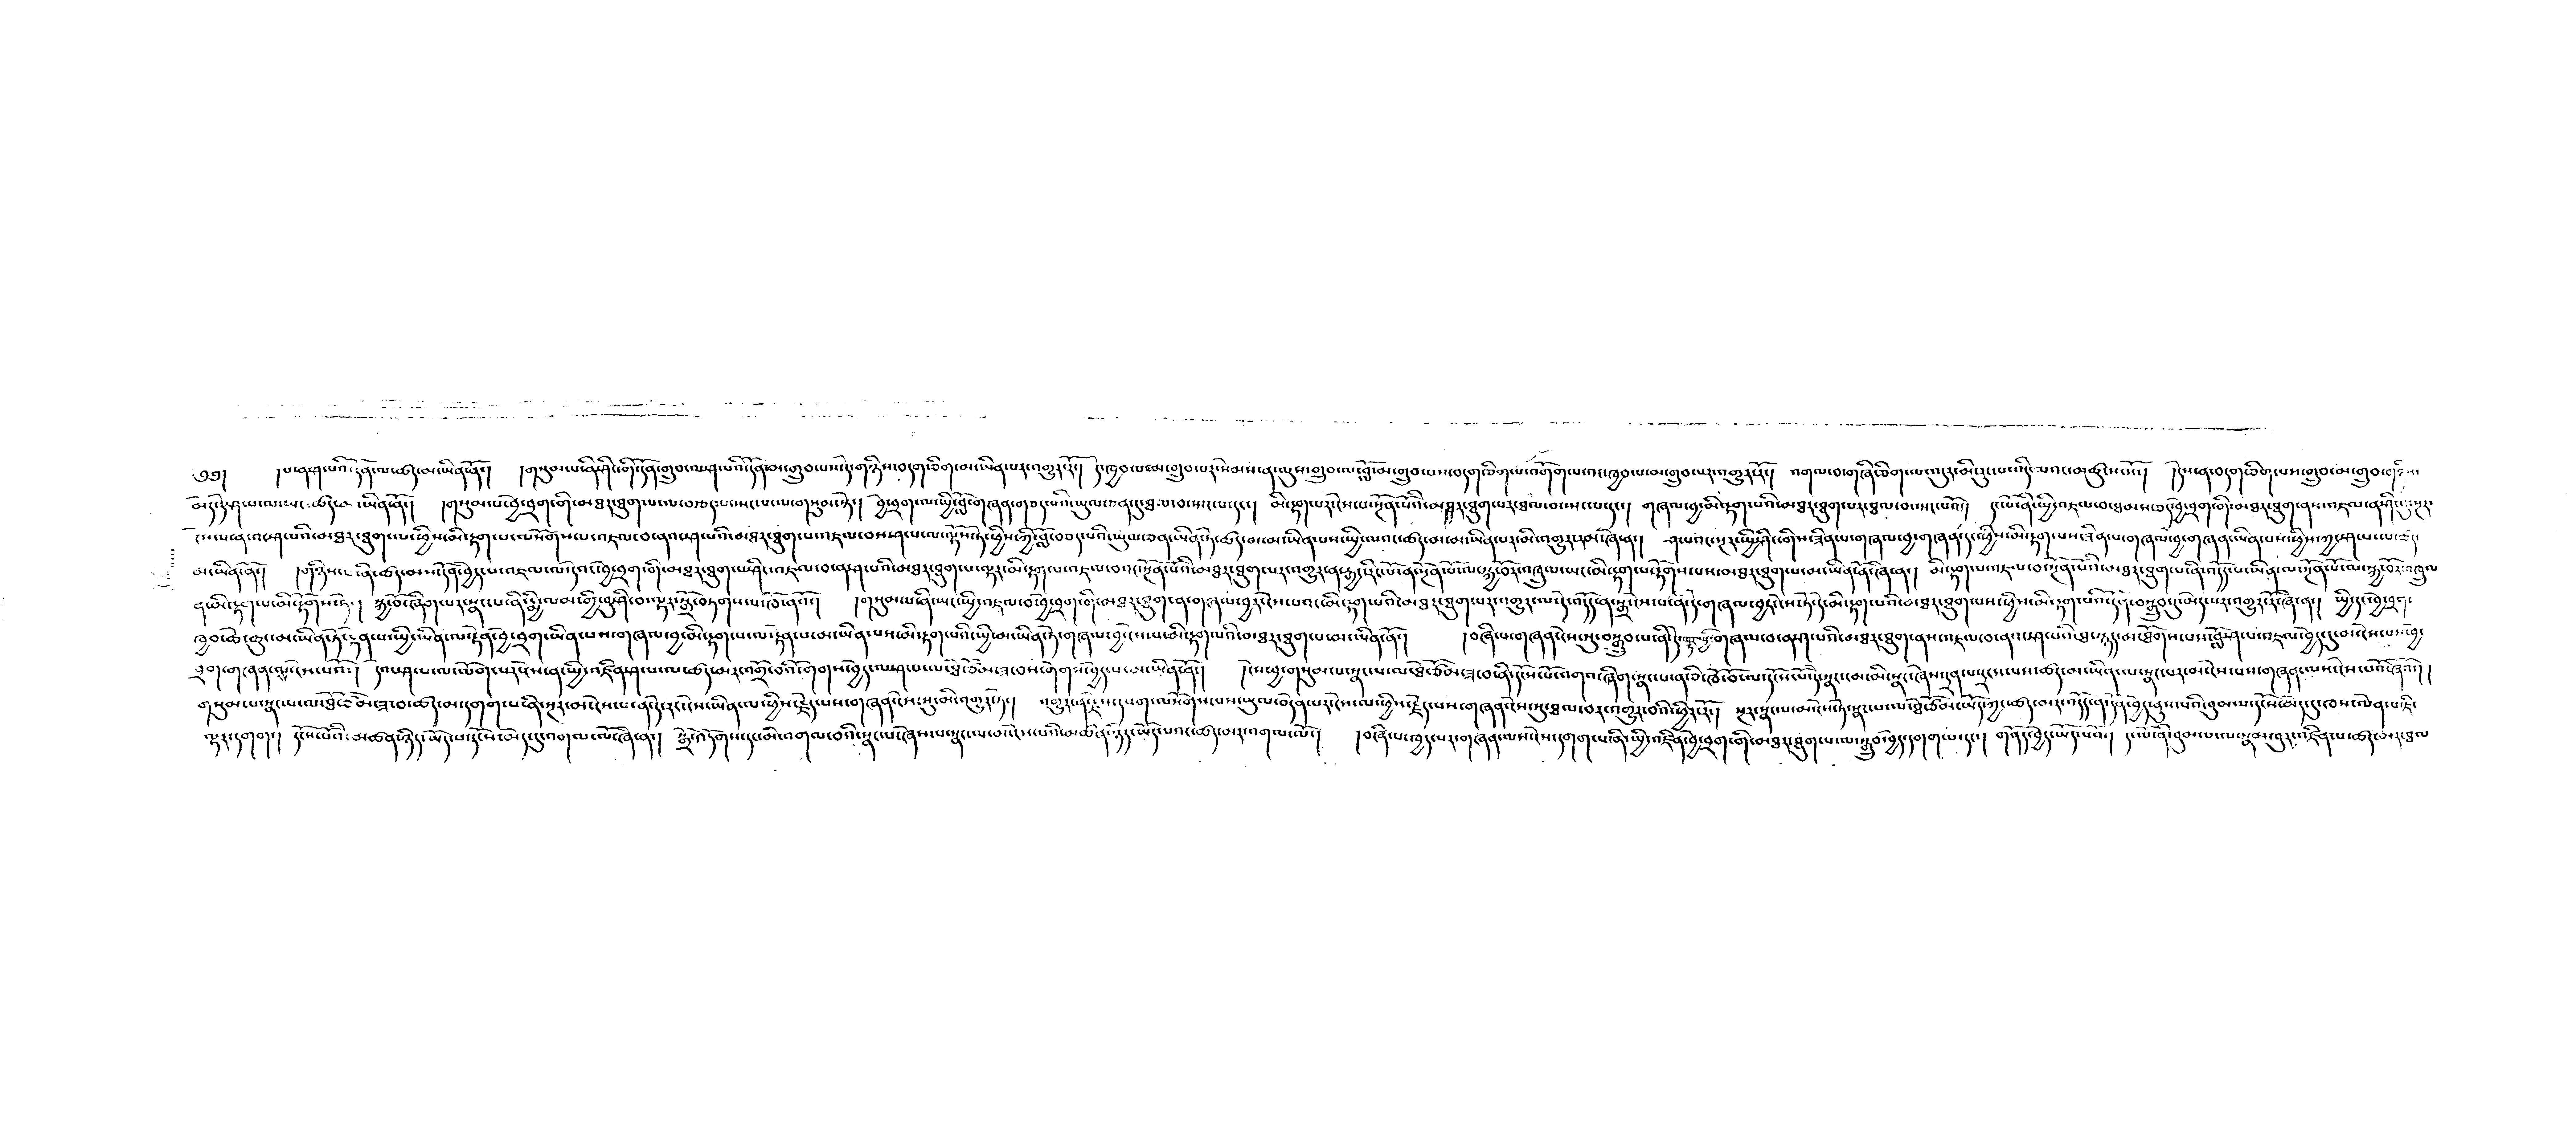༄༅། །པ་ན་ཤ་པའི་དོན་ལ་ཚད་མ་ཡིན་ནོ། །གསུམ་པ་ནི་ཤིང་གི་དོན་གྲུབ་ལ་ཤ་པའི་དོན་མ་གྲུབ་པས་དེ་གཉིས་བདག་ཅིག་མ་ཡིན་པར་འགྱུར་རོ། དེ་ཁྱབ་པ་མ་གྲུབ་པར་སེམས་ན་ལུས་གྲུབ་ལ་བློ་མ་གྲུབ་པས་བདག་ཅིག་པ་འགོག་པ་འང་ཁྱབ་པ་མ་གྲུབ་པར་འགྱུར་རོ། འགལ་བ་གཞི་ཅིག་ལ་འདུར་མི་རུང་པ་འདི་ལའང་མཚུངས་སོ། །དེས་ན་བདག་ཅིག་པས་གྲུབ་མ་གྲུབ་གཉིས་
མེད་དེ་ཤ་པ་ལ་ཡང་ཚད་མ་ཡིན་ནོ། །གསུམ་པ་བྱེ་བྲག་གི་མཐར་ཐུག་པ་ལ་བརྩད་པ་སྤང་པ་ལ་གསུམ་སྟེ། བྱེ་བྲག་ལ་སྤྱི་བློ་གཞན་གཅད་པའི་ཡུལ་ཅན་དུ་ཐལ་བ་སྤང་པ་དང་། མི་རྟག་པར་ངེས་པ་སྔོན་པོའི་མཐར་ཐུག་པར་ཐལ་བ་སྤང་པ་དང་། གཞལ་བྱ་མི་རྟག་པའི་མཐར་ཐུག་པར་ཐལ་བ་སྤང་པའོ། དང་པོ་ནི་སྤྱི་འཇལ་བ་ཐམས་ཅད་བྱེ་བྲག་གི་མཐར་ཐུག་ནས་འཇལ་ན་ཤིང་དུ་སྔར་
ངེས་པ་ན་འང་ཤ་པའི་མཐར་ཐུག་པ་ཕྱིས་མི་རྟག་པ་ལ་སོགས་པ་འཇལ་བ་ནའང་ཤ་པའི་མཐར་ཐུག་པ་འཇལ་བས་ཤ་པ་ལ་ལྟོས་ཏེ་ཕྱིས་ཀྱི་བློ་བཅད་པའི་ཡུལ་ཅན་ཡིན་ཏེ་ཚད་མ་མ་ཡིན་པས་སྤྱི་ལའང་ཚད་མ་མ་ཡིན་པར་མི་འགྱུར་རམ་ཞེ་ན། ཤ་པའང་སྔར་སྤྱི་ཤིང་གིས་ཟིན་པ་གཞལ་བྱ་གཞན་དང་ཕྱིས་མི་རྟག་པས་ཟིན་པ་གཞལ་བྱ་གཞན་ཡིན་པས་ཕྱིས་ཀྱང་ཤ་པ་ལ་ཚད་
མ་ཡིན་ནོ། །གཉིས་པ་ནི་ཚད་མས་དོན་བྱེད་པ་འཇལ་ལ་དེའང་བྱེ་བྲག་གི་མཐར་ཐུག་པ་ཤིང་འཇལ་བ་ན་ཤ་པའི་མཐར་ཐུག་པ་ལྟར་མི་རྟག་པ་འཇལ་བའང་སྔོན་པོའི་མཐར་ཐུག་པར་འགྱུར་ན་རྒྱང་རིང་པོ་ན་སྔོན་པོ་ལ་སྐྱ་བོར་འཁྲུལ་ཡང་མི་རྟག་པ་རྟོགས་པས་མཐར་ཐུག་པ་མ་ཡིན་ནོ་ཞེ་ན། མི་རྟག་པ་འཇལ་བ་སྔོན་པོའི་མཐར་ཐུག་པ་ནི་འདོད་པ་ཡིན་ལ་སྔོན་པོ་མ་སྐྱ་བོར་འཁྲུལ་
ན་མི་རྟག་པ་མི་རྟོགས་ཏེ། སྐྱ་བོ་ཞིག་པར་སྣང་པ་ནི་རྨྱི་ལམ་གྱི་བུ་ཤི་བ་ལྟར་སྒྲོ་བཏགས་པ་ཁོ་ནའོ། །གསུམ་པ་ནི་ཡང་སྤྱི་འཇལ་བ་བྱེ་བྲག་གི་མཐར་ཐུག་ན་གཞལ་བྱར་ངེས་པའང་མི་རྟག་པའི་མཐར་ཐུག་པར་འགྱུར་ལ་དེ་འདོད་ན་སྒྲ་ངེས་པ་ན་དེ་གཞལ་བྱར་ངེས་ཏེ་དེ་མི་རྟག་པའི་མཐར་ཐུག་པས་ཕྱིས་མི་རྟག་པའི་དོན་བསྒྲུབ་དུ་མེད་པར་འགྱུར་རོ་ཞེ་ན། སྤྱི་དང་བྱེ་བྲག་
ཁྱབ་ཆེ་ཆུང་མ་ཡིན་ཏེ་རྟེན་པ་སྤྱི་ཡིན་ལ་རྟེན་བྱེ་བྲག་ཡིན་པས་གཞལ་བྱ་མི་རྟག་པ་ལ་རྟེན་པ་མ་ཡིན་པས་མི་རྟག་པའི་སྤྱི་མ་ཡིན་ཏེ་གཞལ་བྱ་ངེས་པ་མི་རྟག་པའི་མཐར་ཐུག་པ་མ་ཡིན་ནོ། །བཞི་པ་གཞན་ངེས་སུ་བསྒྲུབ་པ་ནི་དེ་ལྟར་སྤྱི་གཞལ་བ་ན་ཤ་པའི་མཐར་ཐུག་ནས་འཇལ་བ་ནའང་ཤ་པའི་ཐ་སྙད་མ་ཐོགས་པས་བློ་ཤ་པ་འཇལ་བྱེད་དུ་མ་ངེས་པས་བྱེ་
བྲག་གཞན་ལས་ངེས་པའོ། དེའང་ཤ་པ་ལ་ལོག་པར་ངེས་ན་སྤྱི་འཛིན་ཤ་པ་ལ་ཚད་མར་འགྲོ་བའི་གེགས་བྱེད་ལ་ཤ་པ་ལ་ཐེ་ཙོམ་ཟ་བས་གེགས་བྱེད་པ་མ་ཡིན་ནོ། །ངེས་བྱ་གསུམ་པ་སྣང་པ་ལ་ཐེ་ཙོམ་ཟ་བ་ནི་དངོས་པོ་འགའ་ཞིག་སྣང་པ་ན་ཅི་ཁོ་བོ་ལ་དངོས་པོ་དེ་སྣང་ངམ་མི་སྣང་ཞེས་དྲན་པ་དྲངས་པས་ཚད་མ་ཡིན་ལ་སྣང་པར་མ་ངེས་པས་གཞན་ལས་ངེས་པའོ་ཞེའོ།།
གསུམ་པ་སྣང་པ་ལ་ཐེ་ཙོམ་ཟ་བ་ཚད་མ་དགག་པ་ནི་སྔར་མ་ངེས་པ་ན་དེ་རང་ངེས་ཡིན་ལ་ཕྱིས་རྗེད་པས་གཞན་ངེས་སུ་མི་འགྱུར་ཏེ། འགྱུར་ན་རྗེས་དཔག་ལ་སོགས་པས་ཡུལ་བདེན་པར་ངེས་ལ་ཕྱིས་རྗེད་པས་གཞན་ངེས་སུ་ཐལ་བར་འགྱུར་བའི་ཕྱིར་རོ། སྔར་སྣང་པ་མ་ངེས་ཏེ་སྣང་པ་ལ་ཐེ་ཙོམ་ཡོད་ཀྱང་ཚད་མར་འདོད་ན་དོན་བྱེད་ནུས་པའི་བུམ་པ་དངོས་མེད་དུ་ཁས་ལེན་པ་ཇི་
ལྟར་དགག། དངོས་པོའི་མཚན་ཉིད་ཡོད་པ་དངོས་མེད་དུ་འགལ་ལོ་ཞེ་ན། སྒྲོ་འདོགས་དང་མི་འགལ་བའི་སྣང་པ་ཞེས་པ་སྣང་ལ་མ་ངེས་པའི་མཚན་ཉིད་ཡོད་པའང་ཚད་མར་འགལ་ལོ། །བཞི་པ་ཁྱད་པར་གཞན་ལས་ངེས་དགག་པ་ནི་སྤྱི་འཛིན་བྱེ་བྲག་གི་མཐར་ཐུག་པ་ལ་སྒྲུབ་བྱེད་དགག་པ་དང་། གནོད་བྱེད་ཡོད་པའོ། དང་པོ་ནི་བུམ་པ་ལ་སྣམ་བུར་འཛིན་པ་ཚད་མར་ཐལ་